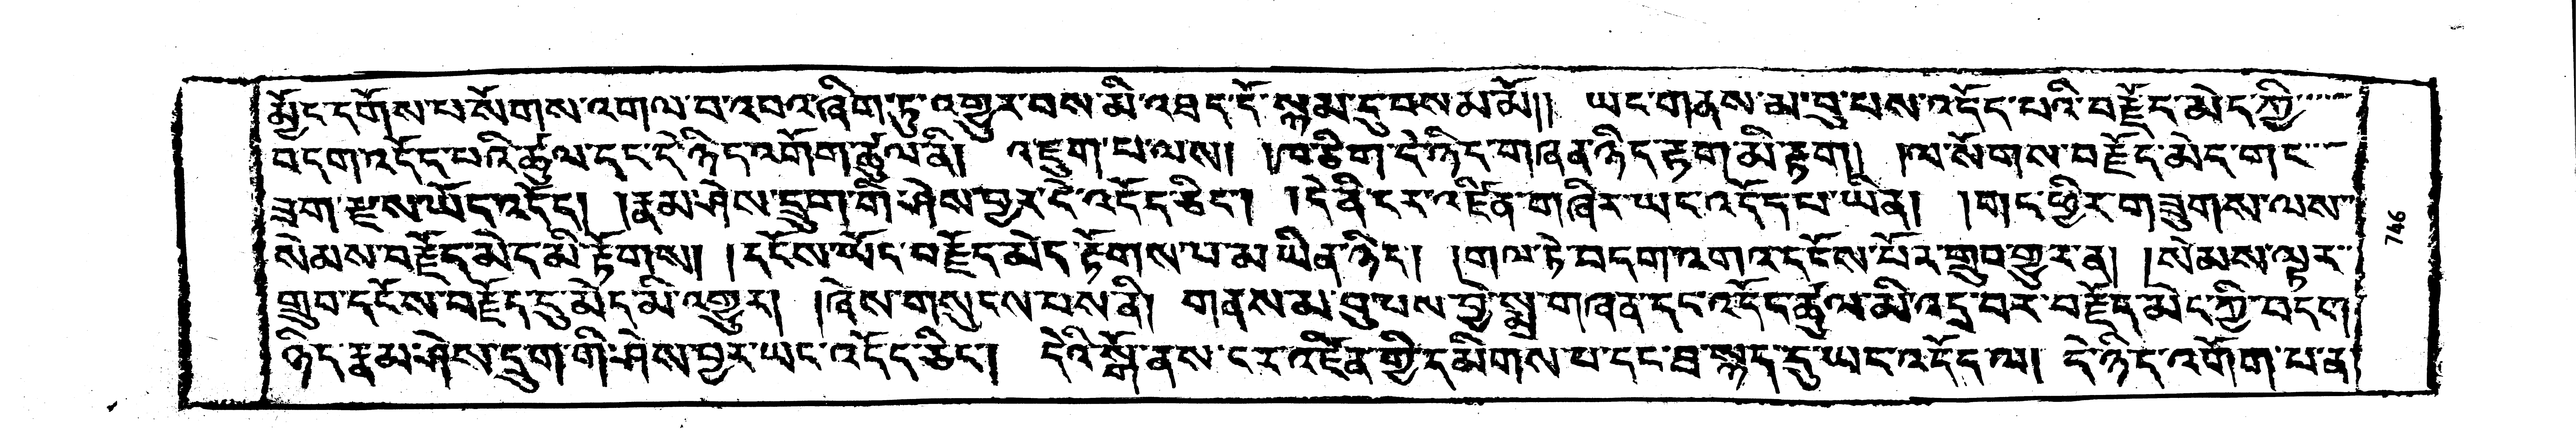མྱོང་དགོས་པ་སོགས་འགལ་བ་འབའ་ཞིག་ཏུ་འགྱུར་བས་མི་འཐད་དོ་སྙམ་དུ་བསམ་མོ། །ཡང་གནས་མ་བུ་པས་འདོད་པའི་བརྗོད་མེད་ཀྱི་
བདག་འདོད་པའི་ཚུལ་དང་དེ་ཉིད་འགོག་ཚུལ་ནི། འཇུག་པ་ལས། །ཁ་ཅིག་དེ་ཉིད་གཞན་ཉིད་རྟག་མི་རྟག། །ལ་སོགས་བརྗོད་མེད་གང་
ཟག་རྫས་ཡོད་འདོད། །རྣམ་ཤེས་དྲུག་གི་ཤེས་བྱར་དེ་འདོད་ཅིང་། །དེ་ནི་ངར་འཛིན་གཞིར་ཡང་འདོད་པ་ཡིན། །གང་ཕྱིར་གཟུགས་ལས་
སེམས་བརྗོད་མེད་མི་རྟོགས། །དངོས་ཡོད་བརྗོད་མེད་རྟོགས་པ་མ་ཡིན་ཉིད། །གལ་ཏེ་བདག་འགའ་དངོས་པོར་གྲུབ་གྱུར་ན། །སེམས་ལྟར་
གྲུབ་དངོས་བརྗོད་དུ་མེད་མི་འགྱུར། །ཞེས་གསུངས་པས་ནི། གནས་མ་བུ་པས་བྱེ་སྨྲ་གཞན་དང་འདོད་ཚུལ་མི་འདྲ་བར་བརྗོད་མེད་ཀྱི་བདག་
ཉིད་རྣམ་ཤེས་དྲུག་གི་ཤེས་བྱར་ཡང་འདོད་ཅིང་། དེའི་སྒོ་ནས་ངར་འཛིན་གྱི་དམིགས་པ་དང་ཐ་སྙད་དུ་ཡང་འདོད་ལ། དེ་ཉིད་འགོག་པ་ན་